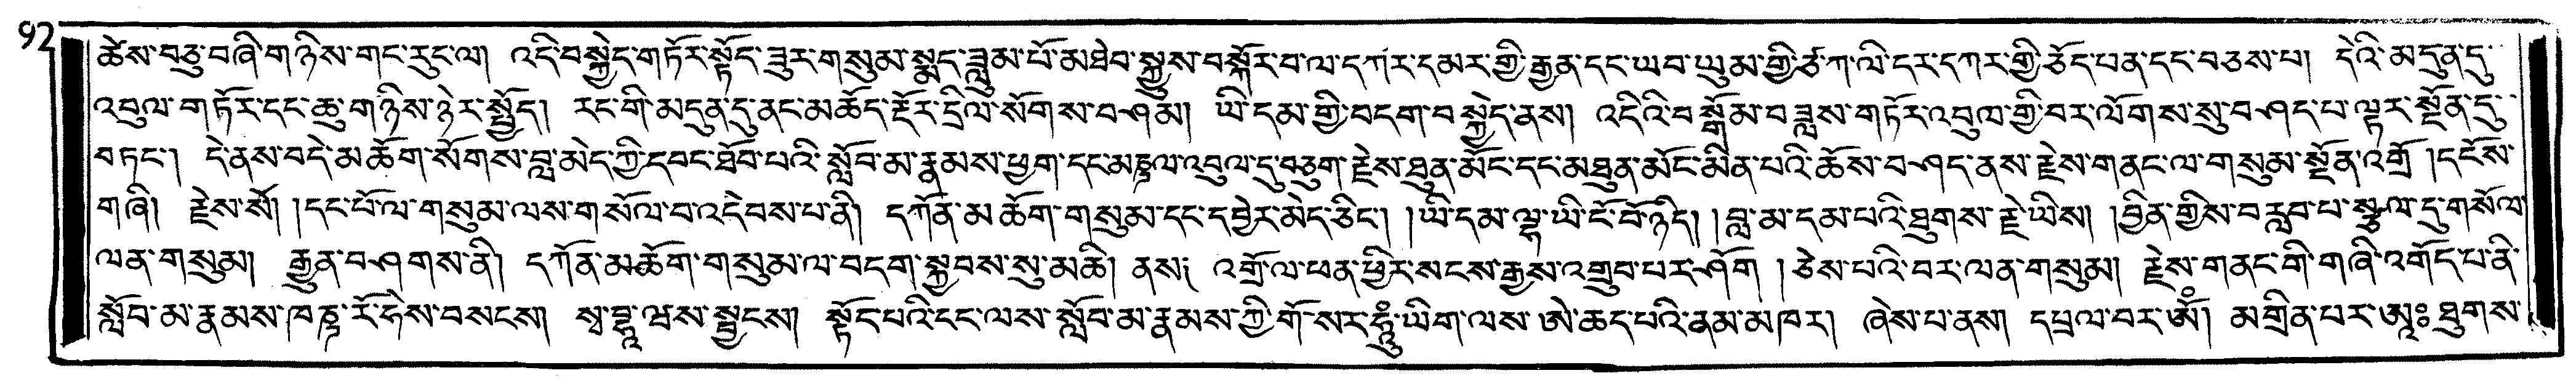ཚེས་བཅུ་བཞི་གཉིས་གང་རུང་ལ། འདི་བསྐྱེད་གཏོར་སྟོད་ཟུར་གསུམ་སྨད་ཟླུམ་པོ་མཐེབ་སྐྱུས་བསྐོར་བ་ལ་དཀར་དམར་གྱི་རྒྱན་དང་ཡབ་ཡུམ་གྱི་ཙ་ཀ་ལི་དར་དཀར་གྱི་ཅོད་པན་དང་བཅས་པ། དེའི་མདུན་དུ་
འབུལ་གཏོར་དང་ཆུ་གཉིས་ཉེར་སྤྱོད། རང་གི་མདུན་དུ་ནང་མཆོད་རྡོར་དྲིལ་སོགས་བཤམ། ཡི་དམ་གྱི་བདག་བསྐྱེད་ནས། འདིའི་བསྒོམ་བཟླས་གཏོར་འབུལ་གྱི་བར་ལོགས་སུ་བཤད་པ་ལྟར་སྔོན་དུ་
བཏང་། དེ་ནས་བདེ་མཆོག་སོགས་བླ་མེད་ཀྱི་དབང་ཐོབ་པའི་སློབ་མ་རྣམས་ཕྱག་དང་མཎྜལ་འབུལ་དུ་བཅུག་རྗེས་ཐུན་མོང་དང་མཐུན་མོང་མིན་པའི་ཆོས་བཤད་ནས་རྗེས་གནང་ལ་གསུམ་སྔོན་འགྲོ། དངོས་
གཞི། རྗེས་སོ། །དང་པོ་ལ་གསུམ་ལས་གསོལ་བ་འདེབས་པ་ནི། དཀོན་མཆོག་གསུམ་དང་དབྱེར་མེད་ཅིང་། །ཡི་དམ་ལྷ་ཡི་ངོ་བོ་ཉིད། །བླ་མ་དམ་པའི་ཐུགས་རྗེ་ཡིས། །བྱིན་གྱིས་བརླབ་པ་སྩལ་དུ་གསོལ་
ལན་གསུམ། རྒྱུན་བཤགས་ནི། དཀོན་མཆོག་གསུམ་ལ་བདག་སྐྱབས་སུ་མཆི། ནས༑ འགྲོ་ལ་ཕན་ཕྱིར་སངས་རྒྱས་འགྲུབ་པར་ཤོག །ཅེས་པའི་བར་ལན་གསུམ། རྗེས་གནང་གི་གཞི་འགོད་པ་ནི་
སློབ་མ་རྣམས་ཁཎྜ་རོ་ཧེས་བསངས། སྭ་བྷཱ་ཝས་སྦྱངས། སྟོང་པའི་ངང་ལས་སློབ་མ་རྣམས་ཀྱི་གོ་སར་ཧཱུཾ་ཡིག་ལས་ཨེ་ཆད་པའི་ནམ་མཁར། ཞེས་པ་ནས། དཔྲལ་བར་ཨོཾ། མགྲིན་པར་ཨཱཿ ཐུགས་